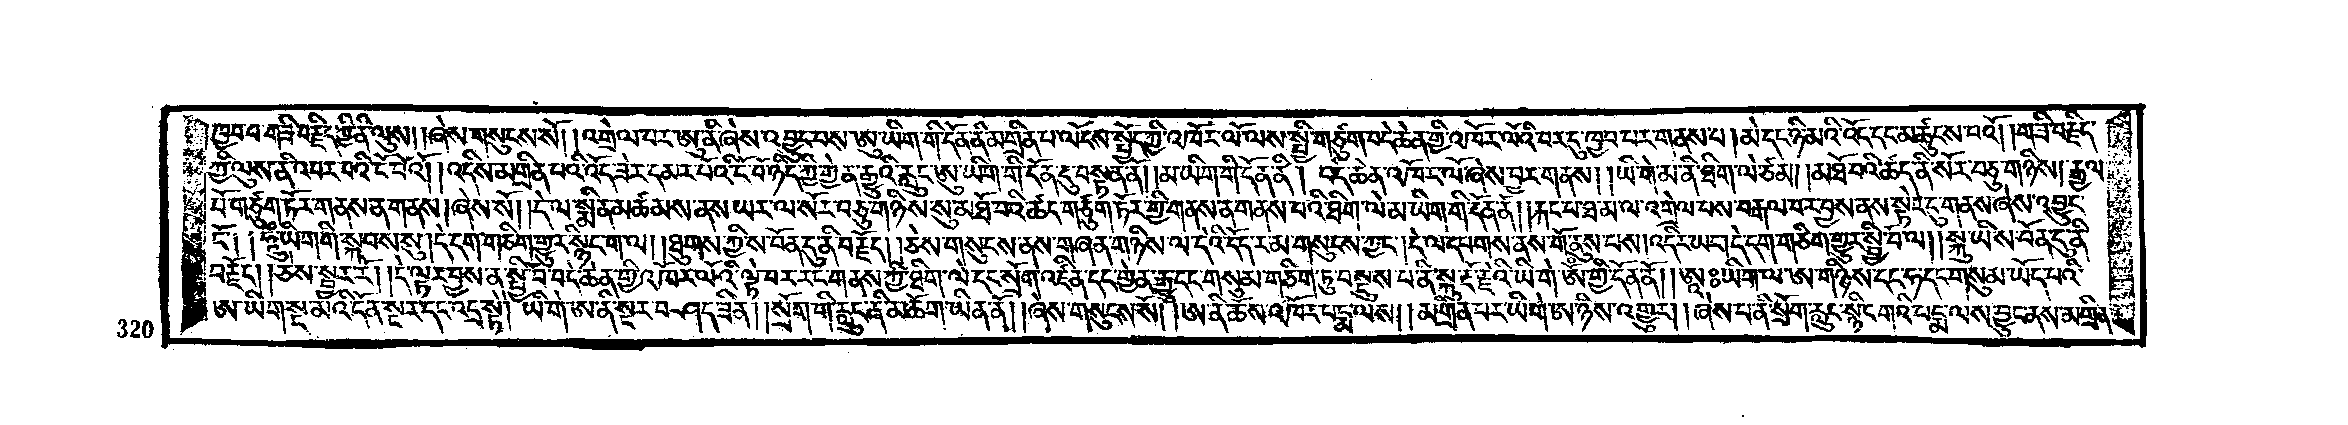ཁྱབ་པ་གཟི་བརྗིད་ཀྱི་ནི་ལུས། །ཞེས་གསུངས་སོ། །འགྲེལ་པར་ཨུ་ནི་ཞེས་འབྱུང་བས་ཨུ་ཡིག་གི་དོན་ནི་མགྲིན་པ་ལོངས་སྤྱོད་ཀྱི་འཁོར་ལོ་ལས་སྤྱི་གཙུག་བདེ་ཆེན་གྱི་འཁོར་ལོའི་བར་དུ་ཁྱབ་པར་གནས་པ། མེ་དང་ཉི་མའི་འོད་དང་མཚུངས་པའོ། །གཟི་བརྗིད་
ཀྱི་ལུས་ནི་འབར་བའི་ངོ་བོའོ། །འདིས་མགྲིན་པའི་འོད་ཟེར་དམར་པོའི་ངོ་བོ་ཉིད་ཀྱི་གྱེན་རྒྱུའི་རླུང་ཨུ་ཡིག་གི་དོན་དུ་བསྟན་ནོ། །མ་ཡིག་གི་དོན་ནི། བདེ་ཆན་འཁོར་ལོ་ཞེས་བྱར་གནས། །ཡི་གེ་མ་ནི་ཐིག་ལེ་ཙམ། །མཐོ་བའི་ཚད་ནི་སོར་བཅུ་གཉིས། རྒྱལ་
པོ་གཙུག་ཏོར་གནས་ན་གནས། ཞེས་སོ། །དེ་ལ་སྨིན་མཚམས་ནས་ཡར་ལ་སོར་བཅུ་གཉིས་སུ་མཐོ་བའི་ཚད་གཙུག་ཏོར་གྱི་གནས་ན་གནས་པའི་ཐིག་ལེ་མ་ཡིག་གི་དོན་ནོ། །རྐང་པ་ཐ་མ་ལ་འགྲེལ་པས་བརྒལ་བར་བྱས་ནས་སྟེང་དུ་གནས་ཞེས་འབྱུང་
ངོ། །ཧཱུཾ་ཡིག་གི་སྐབས་སུ། དེ་དག་གཅིག་གྱུར་སྙིང་ག་ལ། །ཐུགས་ཀྱི་ས་བོན་དུ་ནི་བརྗོད། །ཅེས་གསུངས་ནས་གཞན་གཉིས་ལ་དེའི་དོད་ར་མ་གསུངས་ཀྱང་། དེ་ལ་དཔགས་ནས་གོ་ནུས་པས། འདིར་ཡང་། དེ་དག་གཅིག་གྱུར་སྤྱི་བོ་ལ། །སྐུ་ཡི་ས་བོན་དུ་ནི་
བརྗོད། །ཅེས་སྦྱར་རོ། །དེ་ལྟར་བྱས་ན་སྤྱི་བོ་བདེ་ཆེན་གྱི་འཁོར་ལོའི་ལྟེ་བར་རང་གནས་ཀྱི་ཐིག་ལེ་དང་སྲོག་འཛིན་དང་གྱེན་རྒྱུ་དང་གསུམ་གཅིག་ཏུ་བསྡུས་པ་ནི་སྐུ་རྡོ་རྗེའི་ཡི་གེ་ཨོཾ་གྱི་དོན་ནོ། །ཨཱཿ ཡིག་ལ་ཨ་གཉིས་དང་ཧ་དང་གསུམ་ཡོད་པའི་
ཨ་ཡིག་སྔ་མའི་དོན་སྔར་དང་འདྲ་སྟེ། ཡི་གེ་ཨ་ནི་སྔར་བཤད་ཟིན། །སྲོག་གི་རླུང་ནི་མཆོག་ཡིན་ནོ། །ཞེས་གསུངས་སོ། །ཨ་ནི་ཆོས་འཁོར་པདམ་ལས། །མགྲིན་པར་ཡི་གེ་ཨ་ཉིས་འགྱུར། །ཞེས་པ་ནི་སྲོག་རླུང་སྙིང་གའི་པདམ་ལས་བྱུང་ནས་མགྲིན་